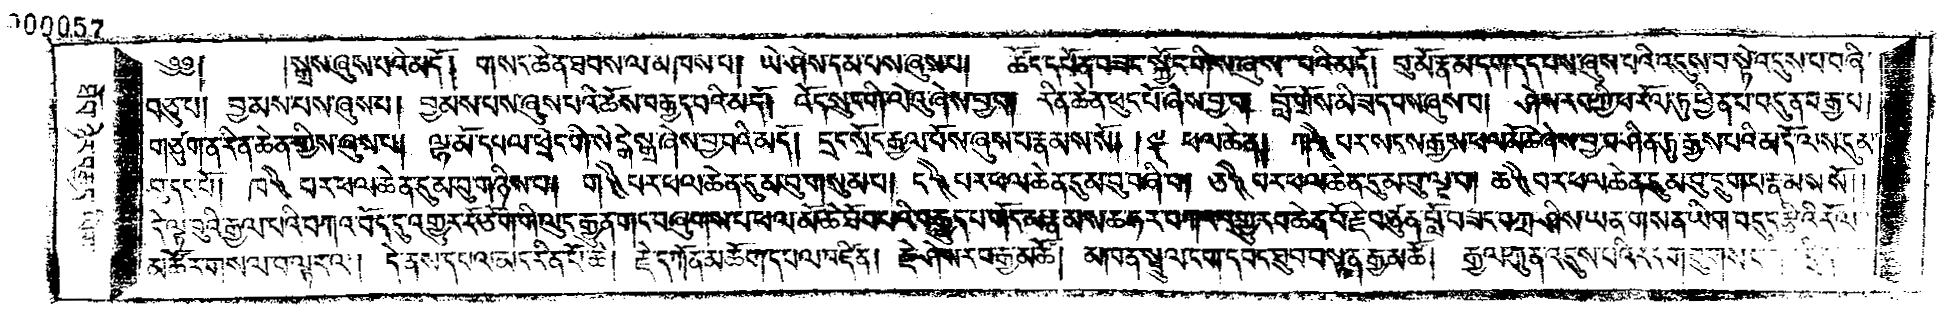༄༅། །སྒྲས་ཞུས་པའི་མདོ། གསང་ཆེན་ཐབས་ལ་མཁས་པ། ཡེ་ཤེས་དམ་པས་ཞུས་པ། ཚོང་དཔོན་བཟང་སྐྱོང་གིས་ཞུས་པའི་མདོ། བུ་མོ་རྣམ་དག་དད་པས་ཞུས་པའི་འདུས་པ་སྟེ་འདུས་པ་བཞི་
བཅུ་པ། བྱམས་པས་ཞུས་པ། བྱམས་པས་ཞུས་པའི་ཆོས་བརྒྱད་པའི་མདོ། འོད་སྲུང་གི་ལེའུ་ཞེས་བྱ་བ། རིན་ཆེན་ཕུང་པོ་ཞེས་བྱ་བ། བློ་གྲོས་མི་ཟད་པས་ཞུས་པ། ཤེས་རབ་ཀྱི་ཕ་རོལ་ཏུ་ཕྱིན་པ་བདུན་བརྒྱ་པ།
གཙུག་ན་རིན་ཆེན་གྱིས་ཞུས་པ། ལྷ་མོ་དཔལ་ཕྲེང་གི་སེངྒེ་སྒྲ་ཞེས་བྱ་བའི་མདོ། དྲང་སྲོང་རྒྱལ་པོས་ཞུས་པ་རྣམས་སོ། །༈ ཕལ་ཆེན། ཀ༼༽ པར་སངས་རྒྱས་ཕལ་མོ་ཆེ་ཞེས་བྱ་བ་ཤིན་ཏུ་རྒྱས་པའི་མདོ་ལས་དུམ་
བུ་དང་པོ། ཁ༼༽ པར་ཕལ་ཆེན་དུམ་བུ་གཉིས་པ། ག༼༽ པར་ཕལ་ཆེན་དུམ་བུ་གསུམ་པ། ང༼༽ པར་ཕལ་ཆེན་དུམ་བུ་བཞི་བ། ཅ༼༽ པར་ཕལ་ཆེན་དུམ་བུ་ལྔ་པ། ཆ༼༽ པར་ཕལ་ཆེན་དུམ་བུ་དྲུག་པ་རྣམས་སོ། །
དེ་ལྟ་བུའི་རྒྱལ་པའི་བཀའ་བོད་དུ་འགྱུར་རོ་ཅོག་གི་ལུང་རྒྱུན་གང་བཞུགས་པ་ཕལ་མོ་ཆེ་ཐོབ་པའི་བརྒྱུད་པ་གོང་མ་རྣམས་ཆ་ཧ་ར་བཀའ་འགྱུར་བ་ཆེན་པོ་རྗེ་བཙུན་བློ་བཟང་བཀྲ་ཤིས་ཡན་གསན་ཡིག་བདུད་རྩིའི་རོལ་
མཚོར་གསལ་བ་ལྟར་ལ། དེ་ནས་དཔལ་མང་རིན་པོ་ཆེ། རྗེ་དཀོན་མཆོག་དཔལ་འཛིན། རྗེ་ཤེས་རབ་རྒྱ་མཚོ། མཁན་སྤྲུལ་ངག་དབང་ཐུབ་བསྟན་རྒྱ་མཚོ། རྒྱལ་ཀུན་འདུས་པའི་རང་གཟུགས་བཀའ་དྲིན་